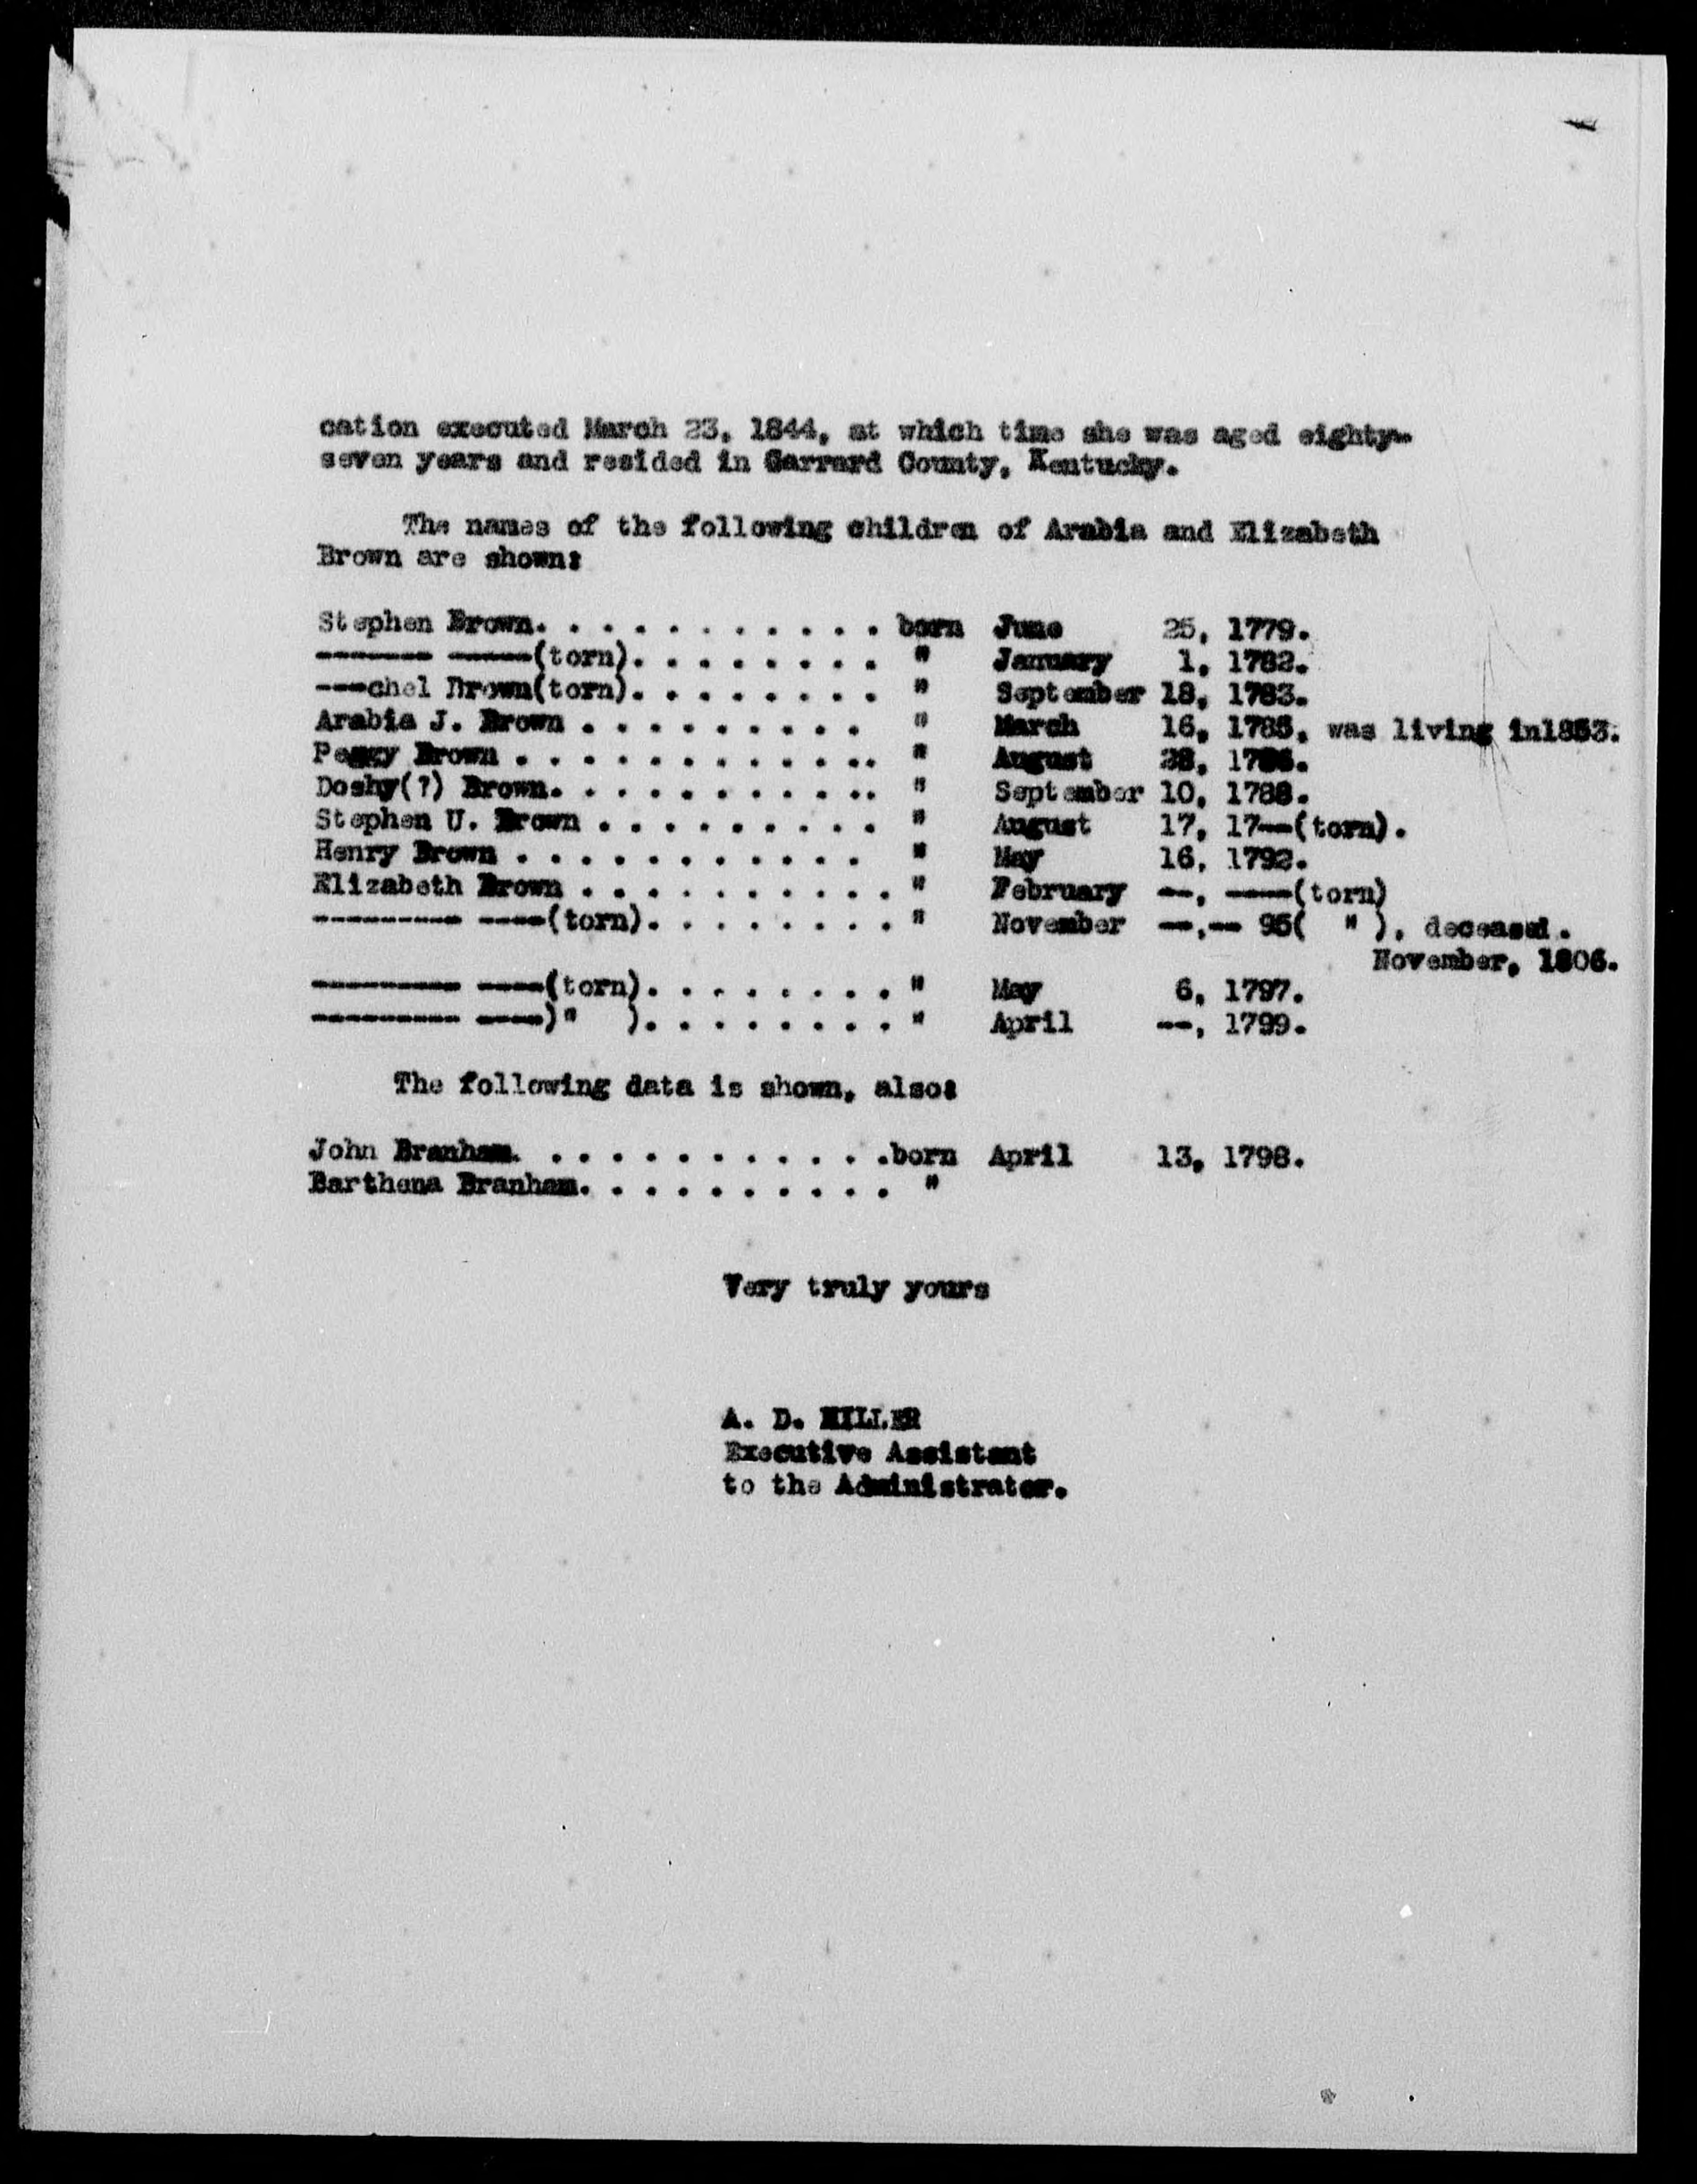cation executed March 23, 1844, at which time she was aged eighty-seven year and resided in Garrard County, Kentucky.

The names of the following children of  Arabia and Elizabeth Brown are shown:

Stephen Brown......born June 25, 1779.

______ ______ (torn)..... born January 1, 1783.

---chel Brown (torn)...born September 18, 1783.

Arabia J. Brown......born March 16, 1785 was living in 18_3.

Peggy Brown... born August 28, 1786.

Dorshy (?) Brown...born September 10, 1788.

Stephen U. Brown ...born August 17, 17--(torn)

Henry Brown ....born May 16, 1792.

Elizabeth Brown ...born February--, ---- (torn)

------- ----- (torn)... born November --, --96 (torn), deceased November, 1806.

------- ----- (torn)....born May 6, 1797.

------- ----- (torn).... born April --, 1799.

The following data is shown, also:
John Branham....born April 13, 1798.
Barthana Branham ..... born (blank)

Very truly yours

A.D. Miller
Executive Assistant
to the Administrator.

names: A D Hiller, Peggy Brown, Elizabeth Brown, Doshy Brown, Stephen Brown, Arabia Brown, Barthena Branham, John Branham, Chel Brown, Stephen U Brown, Elizabeth Brown, Henry Brown, Arabia J Brown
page: 20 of 65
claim: widow's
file: W. 8384, Arabia Brown, Va.